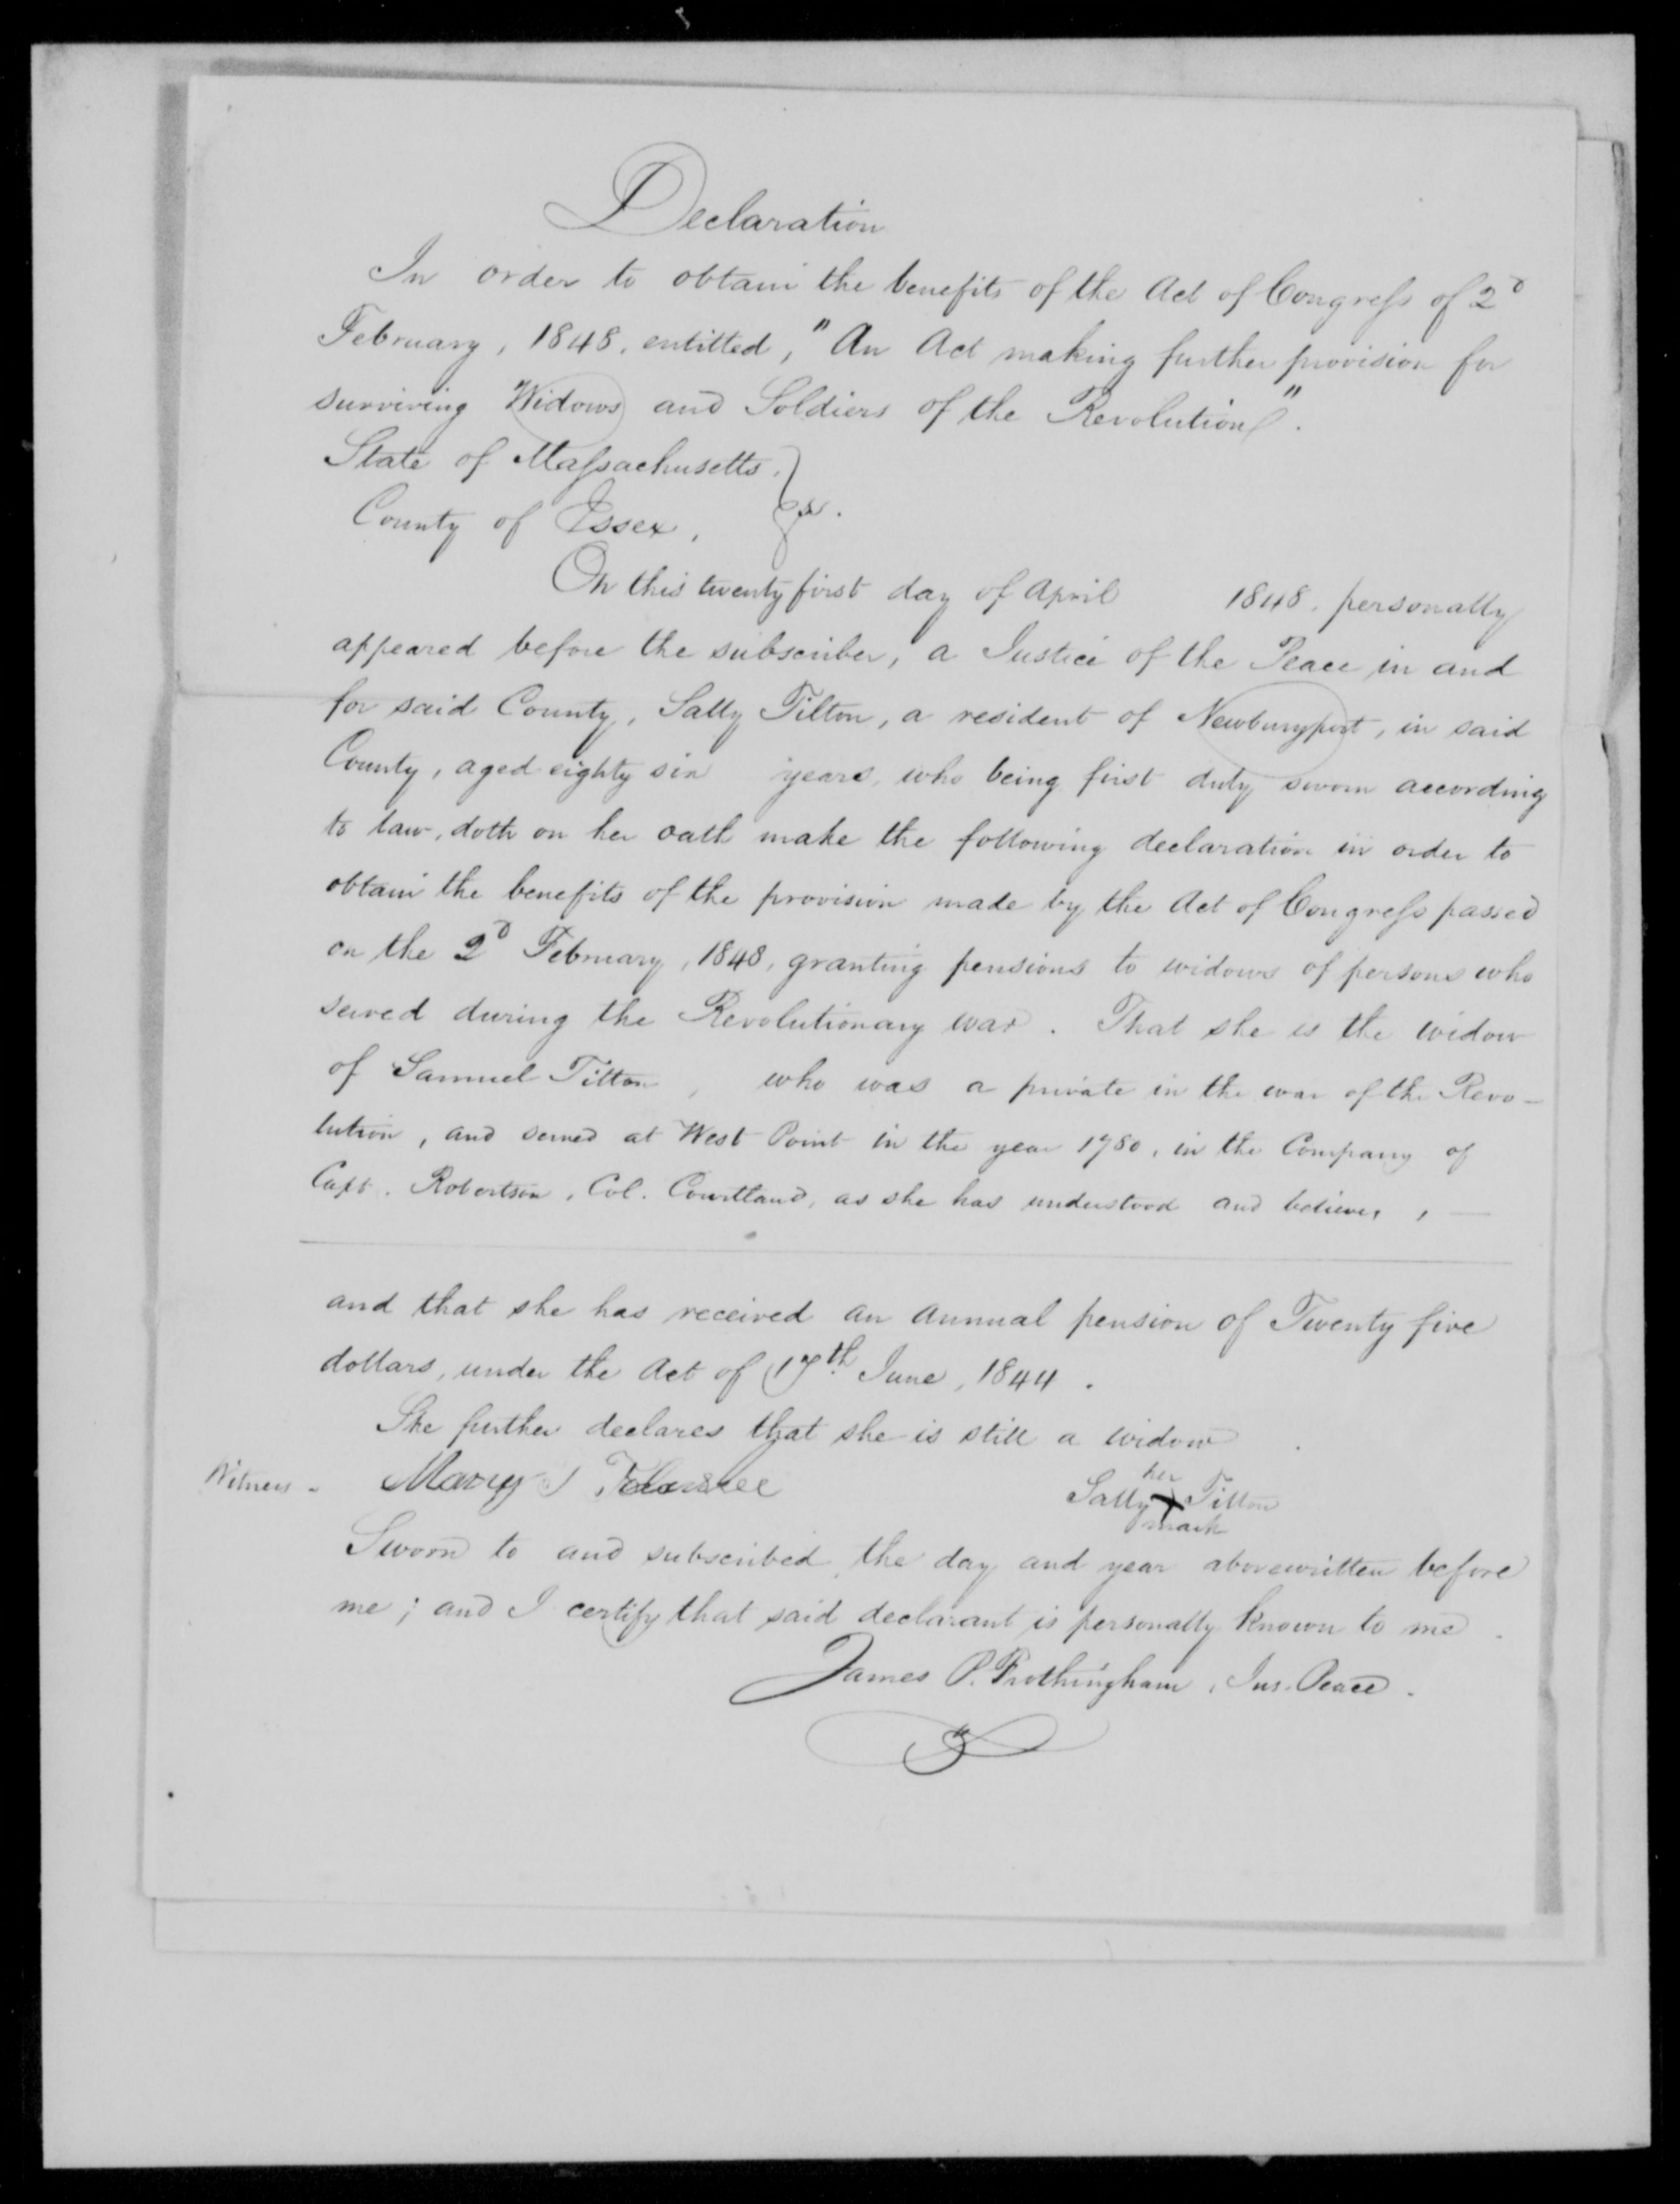Declaration
In order to obtain the benefits of the act of Congress of 2d
February, 1848, entitled, "An Act making further provision for surviving Widows and Soldiers of the Revolution"

State of Massachusetts
County of Essex SS
On this twenty first day of April 1848, personally appeared before the subscriber, a Justice of the Peace in and for said County, Sally Tilton, a resident of Newburyport, in said
County, aged eighty six years, who being first duly sworn according to law, doth on her oath make the following declaration in order to obtain the benefits of the provision made by the Act of Congress passed on the 2d February, 1848, granting pensions to widows of persons who
served during the Revolutionary war. That she is the widow
of Samuel Tilton, who was a private in the war of the Revolution, and served at West Point in the year 1780, in the Company of Capt. Robertson, Col. Courtland, as she has understood and believes,
and that she has received an annual pension of Twenty five
dollars, under the act of 17th June, 1844
She further declares that she is still a widow
Sally Tillman her mark
Witness Mary T Falwell

Sworn to and subscribed the day and year above written before me; and I certify that said declarant is personally known to me
James P. Frothingham, Jus. Peace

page: 37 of 55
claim: widow's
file: W. 14,021, for Samuel Tilton, New Hampshire